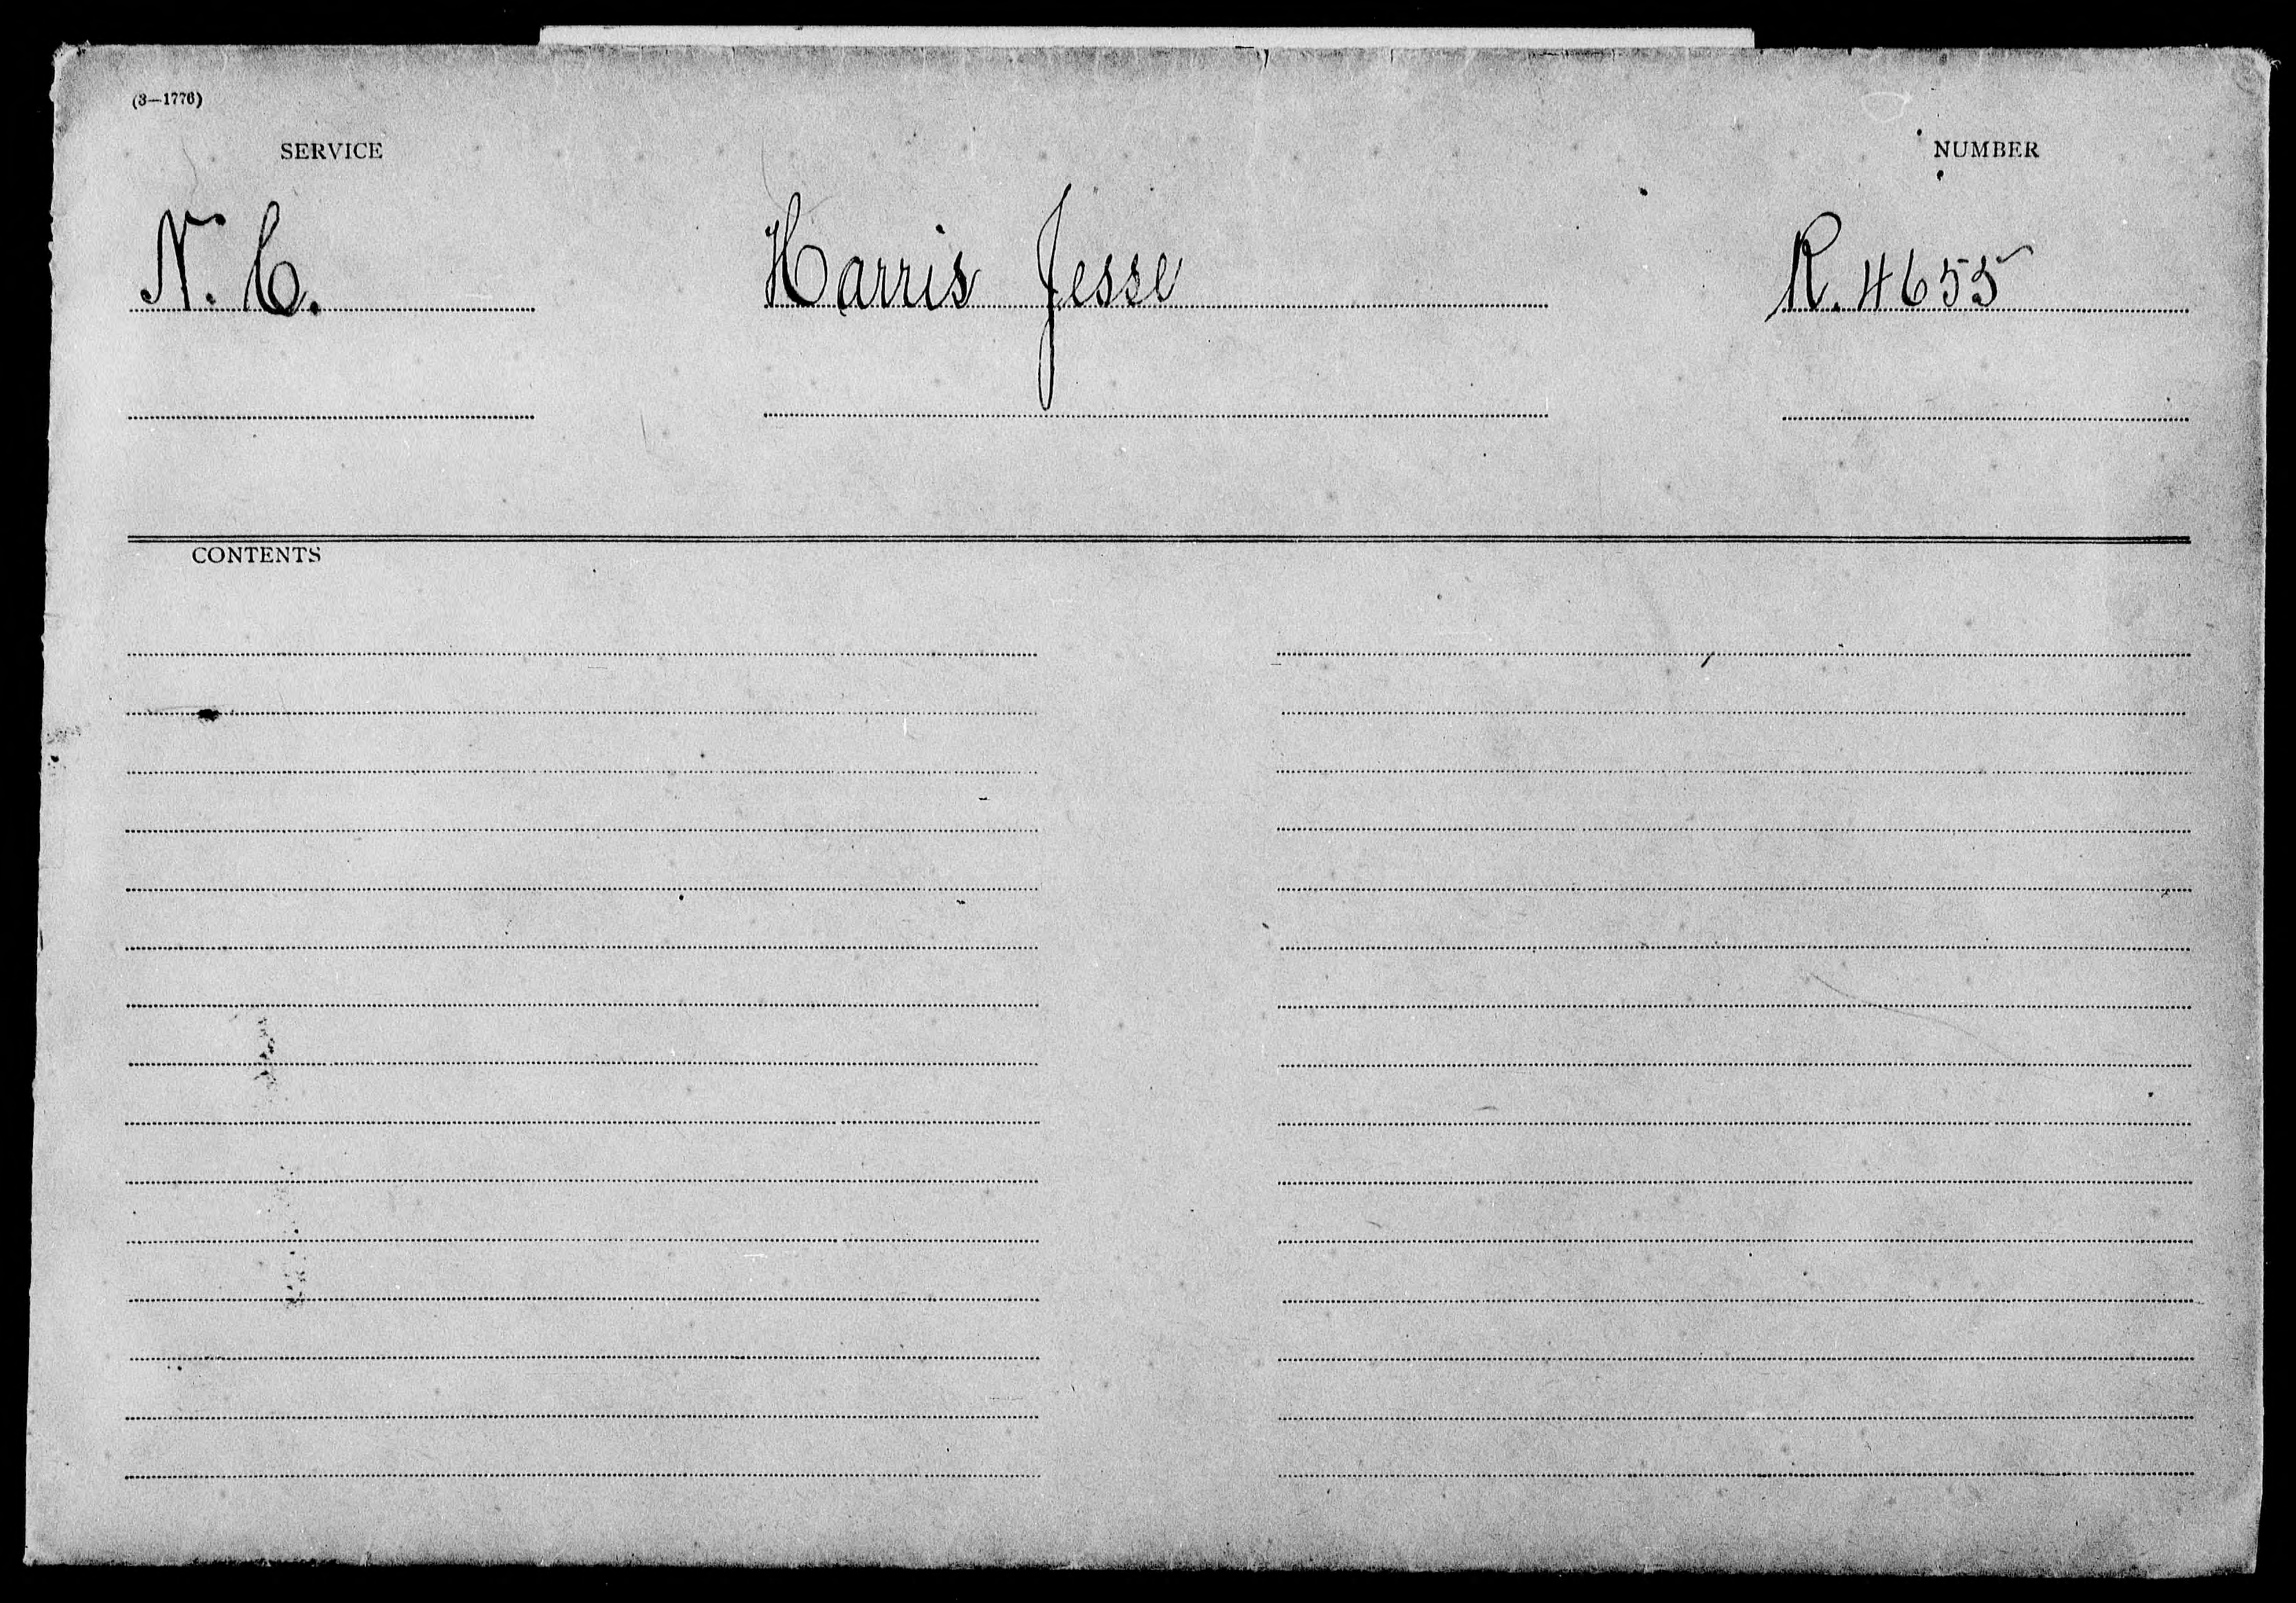(3-1776)

SERVICE
N.C.  
Harris Jesse 

NUMBER
R. 4655

CONTENTS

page: 1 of 32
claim: rejected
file: R. 4655, Jesse Harris, N.C.